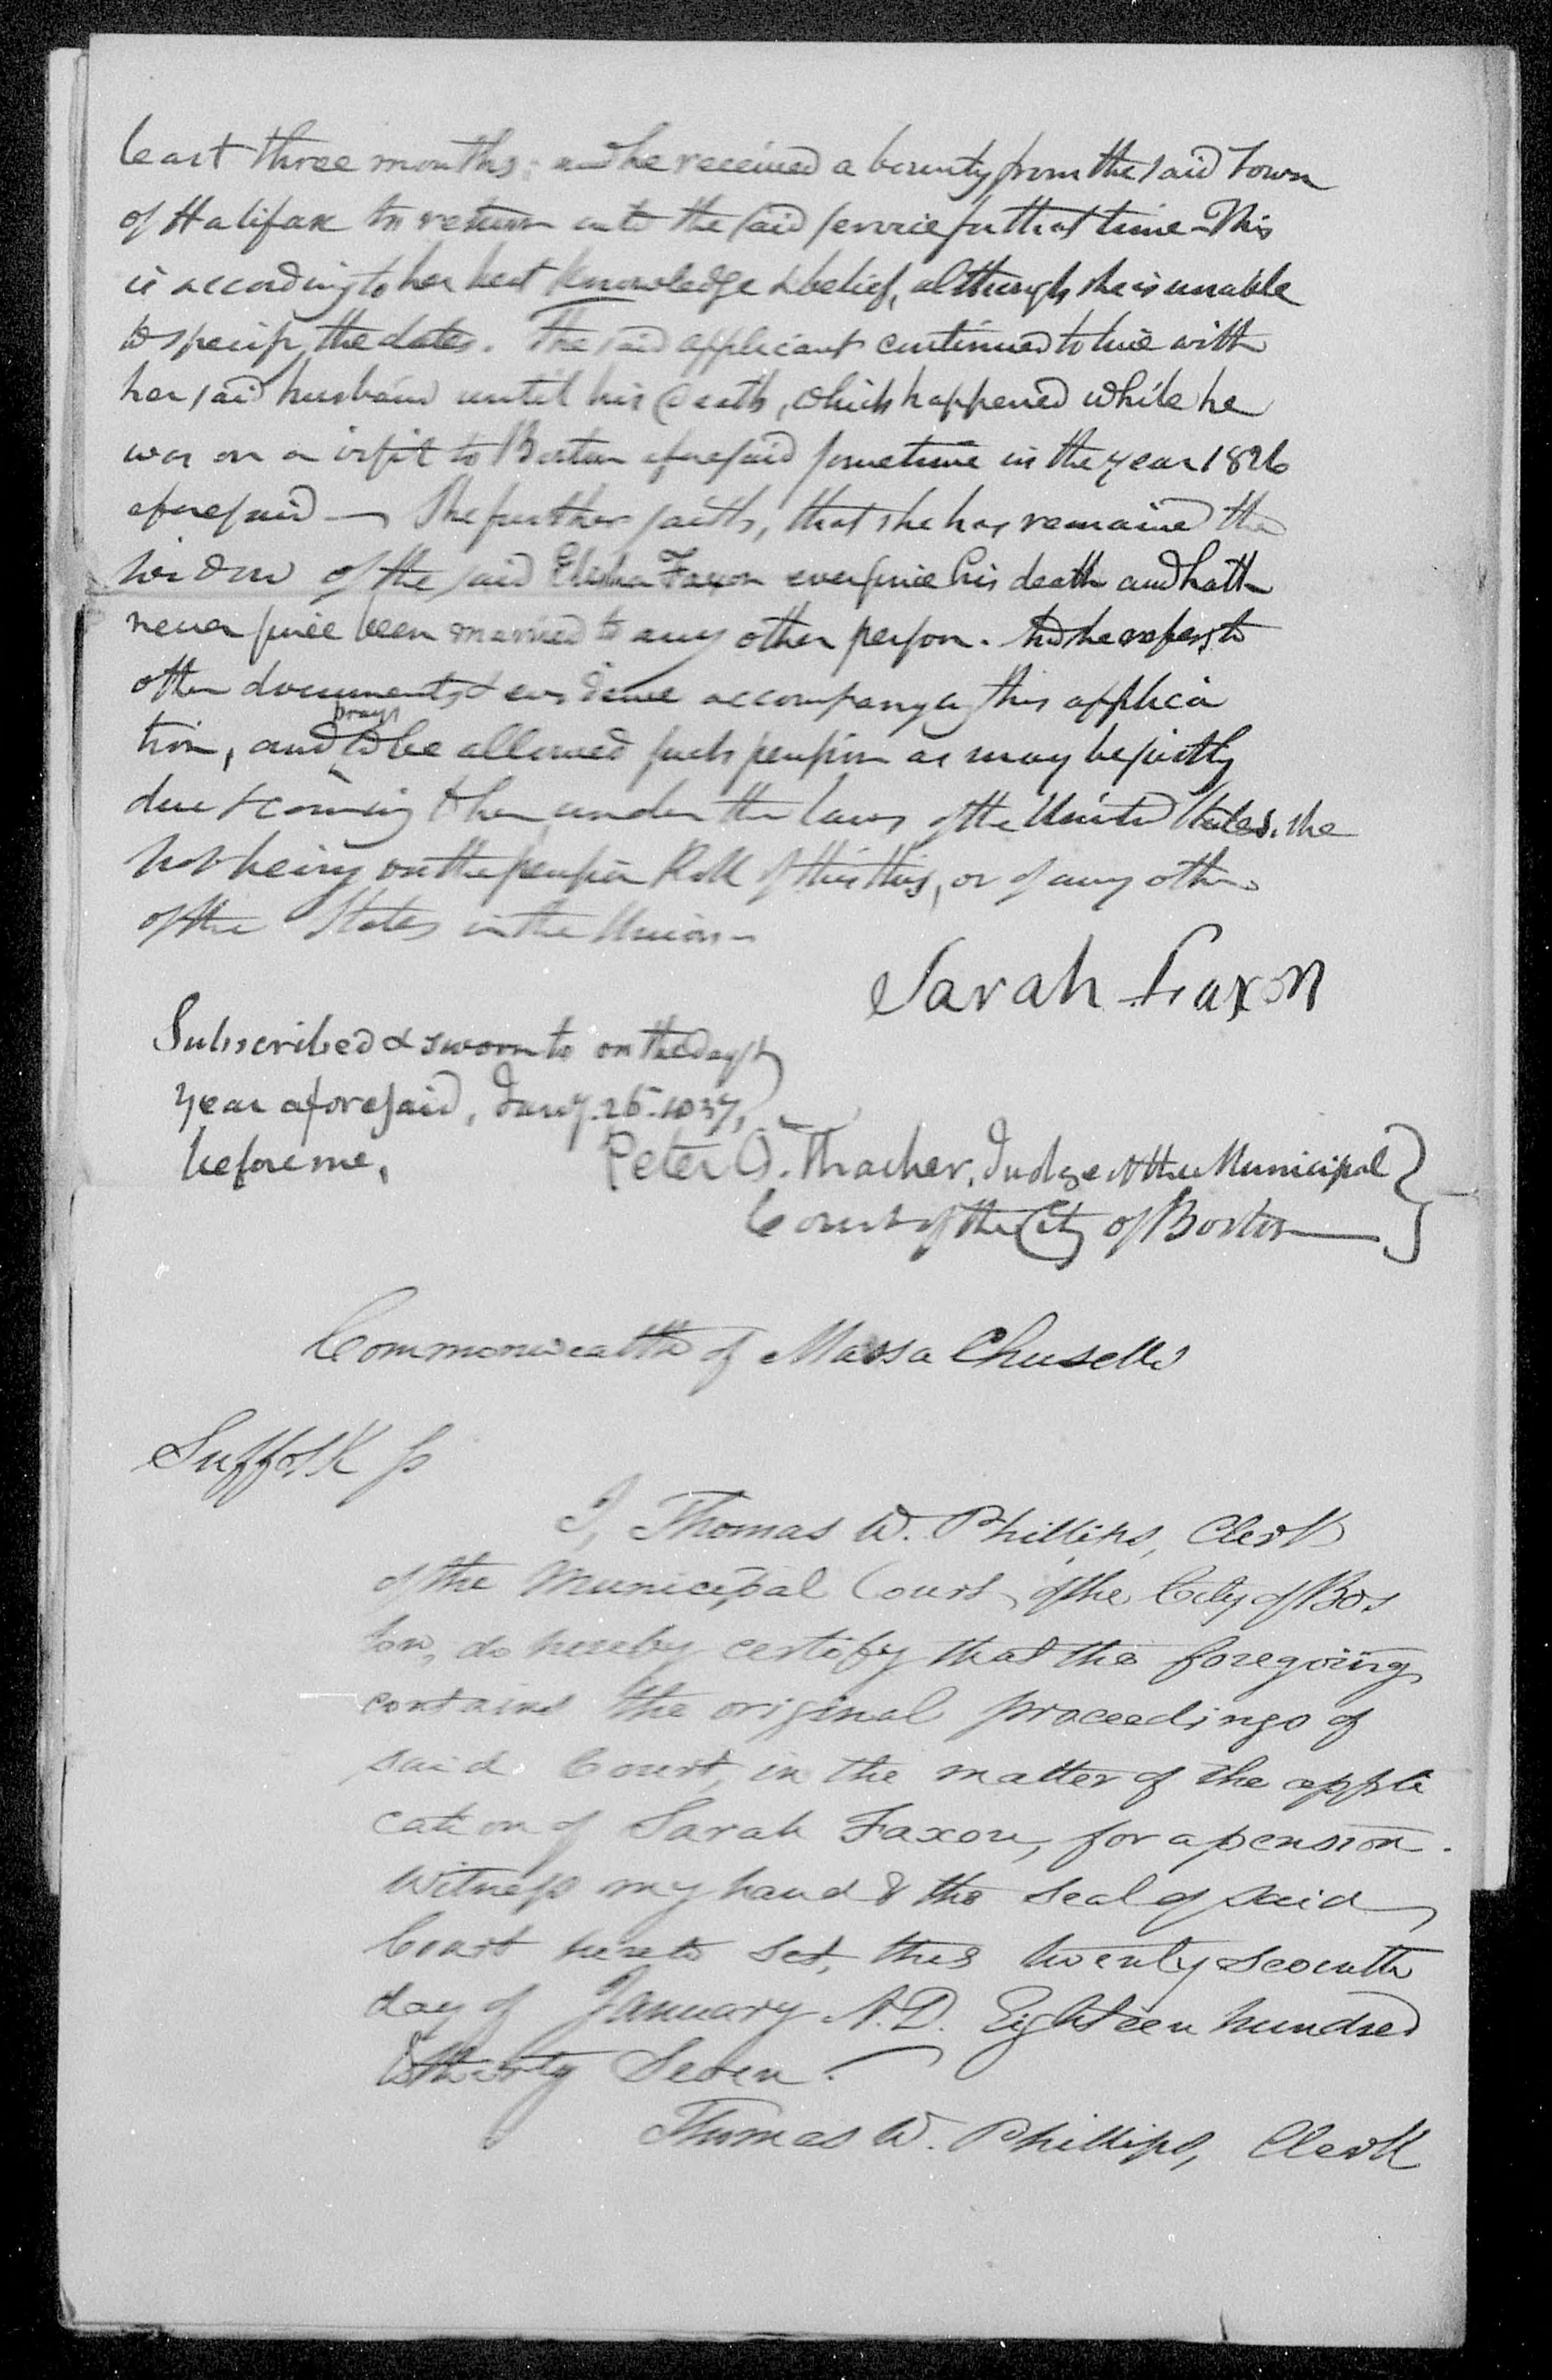least three months and he receives a bounty from the said town of Halifax to return into the said service for (illegible) time. This is according to her best knowledge and belief, although she is unable to (illegible) the dates. The said applicant continues to live with her as husband until his death, which happened while he was on a visit to Boston aforesaid (illegible) in the year 1826 aforesaid. The (illegible) saith that she had remained the widow of the said Elisha Faxon ever since his death and hath never since been married to any other person and she attests to other documents and (illegible) accompanying this application and she allowed such (illegible) as may (illegible) due and coming then under the laws of the United States the (illegible) being on the pension roll of Massachusetts or of any other of the States in the Union. 
Sarah Faxon
Subscribed and sworn to on the day and year aforesaid, July 25, 1934, before me
Peter O. Thacher, Judge of the Municipal Court of the City of Boston
Commonwealth of Massachusetts
Suffolk
I Thomas W. Phillips, Clerk of the Municipal Court of the City of Boston do hereby certify that the foregoing contains the original proceedings of said Court in the matter of the application of Sarah Faxon for a pension witness my hand and the seal of said Court heretoset this twenty seventh day of January AD Eighteen hundred Thirty Seven.
Thomas W. Phillips, Clerk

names: Sarah Faxon, Peter O Thacher, Thomas W Phillips, Elisha Faxon, Thomas W Phillips, Sarah Faxon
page: 9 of 47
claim: widow's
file: W. 14703, Elisha Faxon, Mass